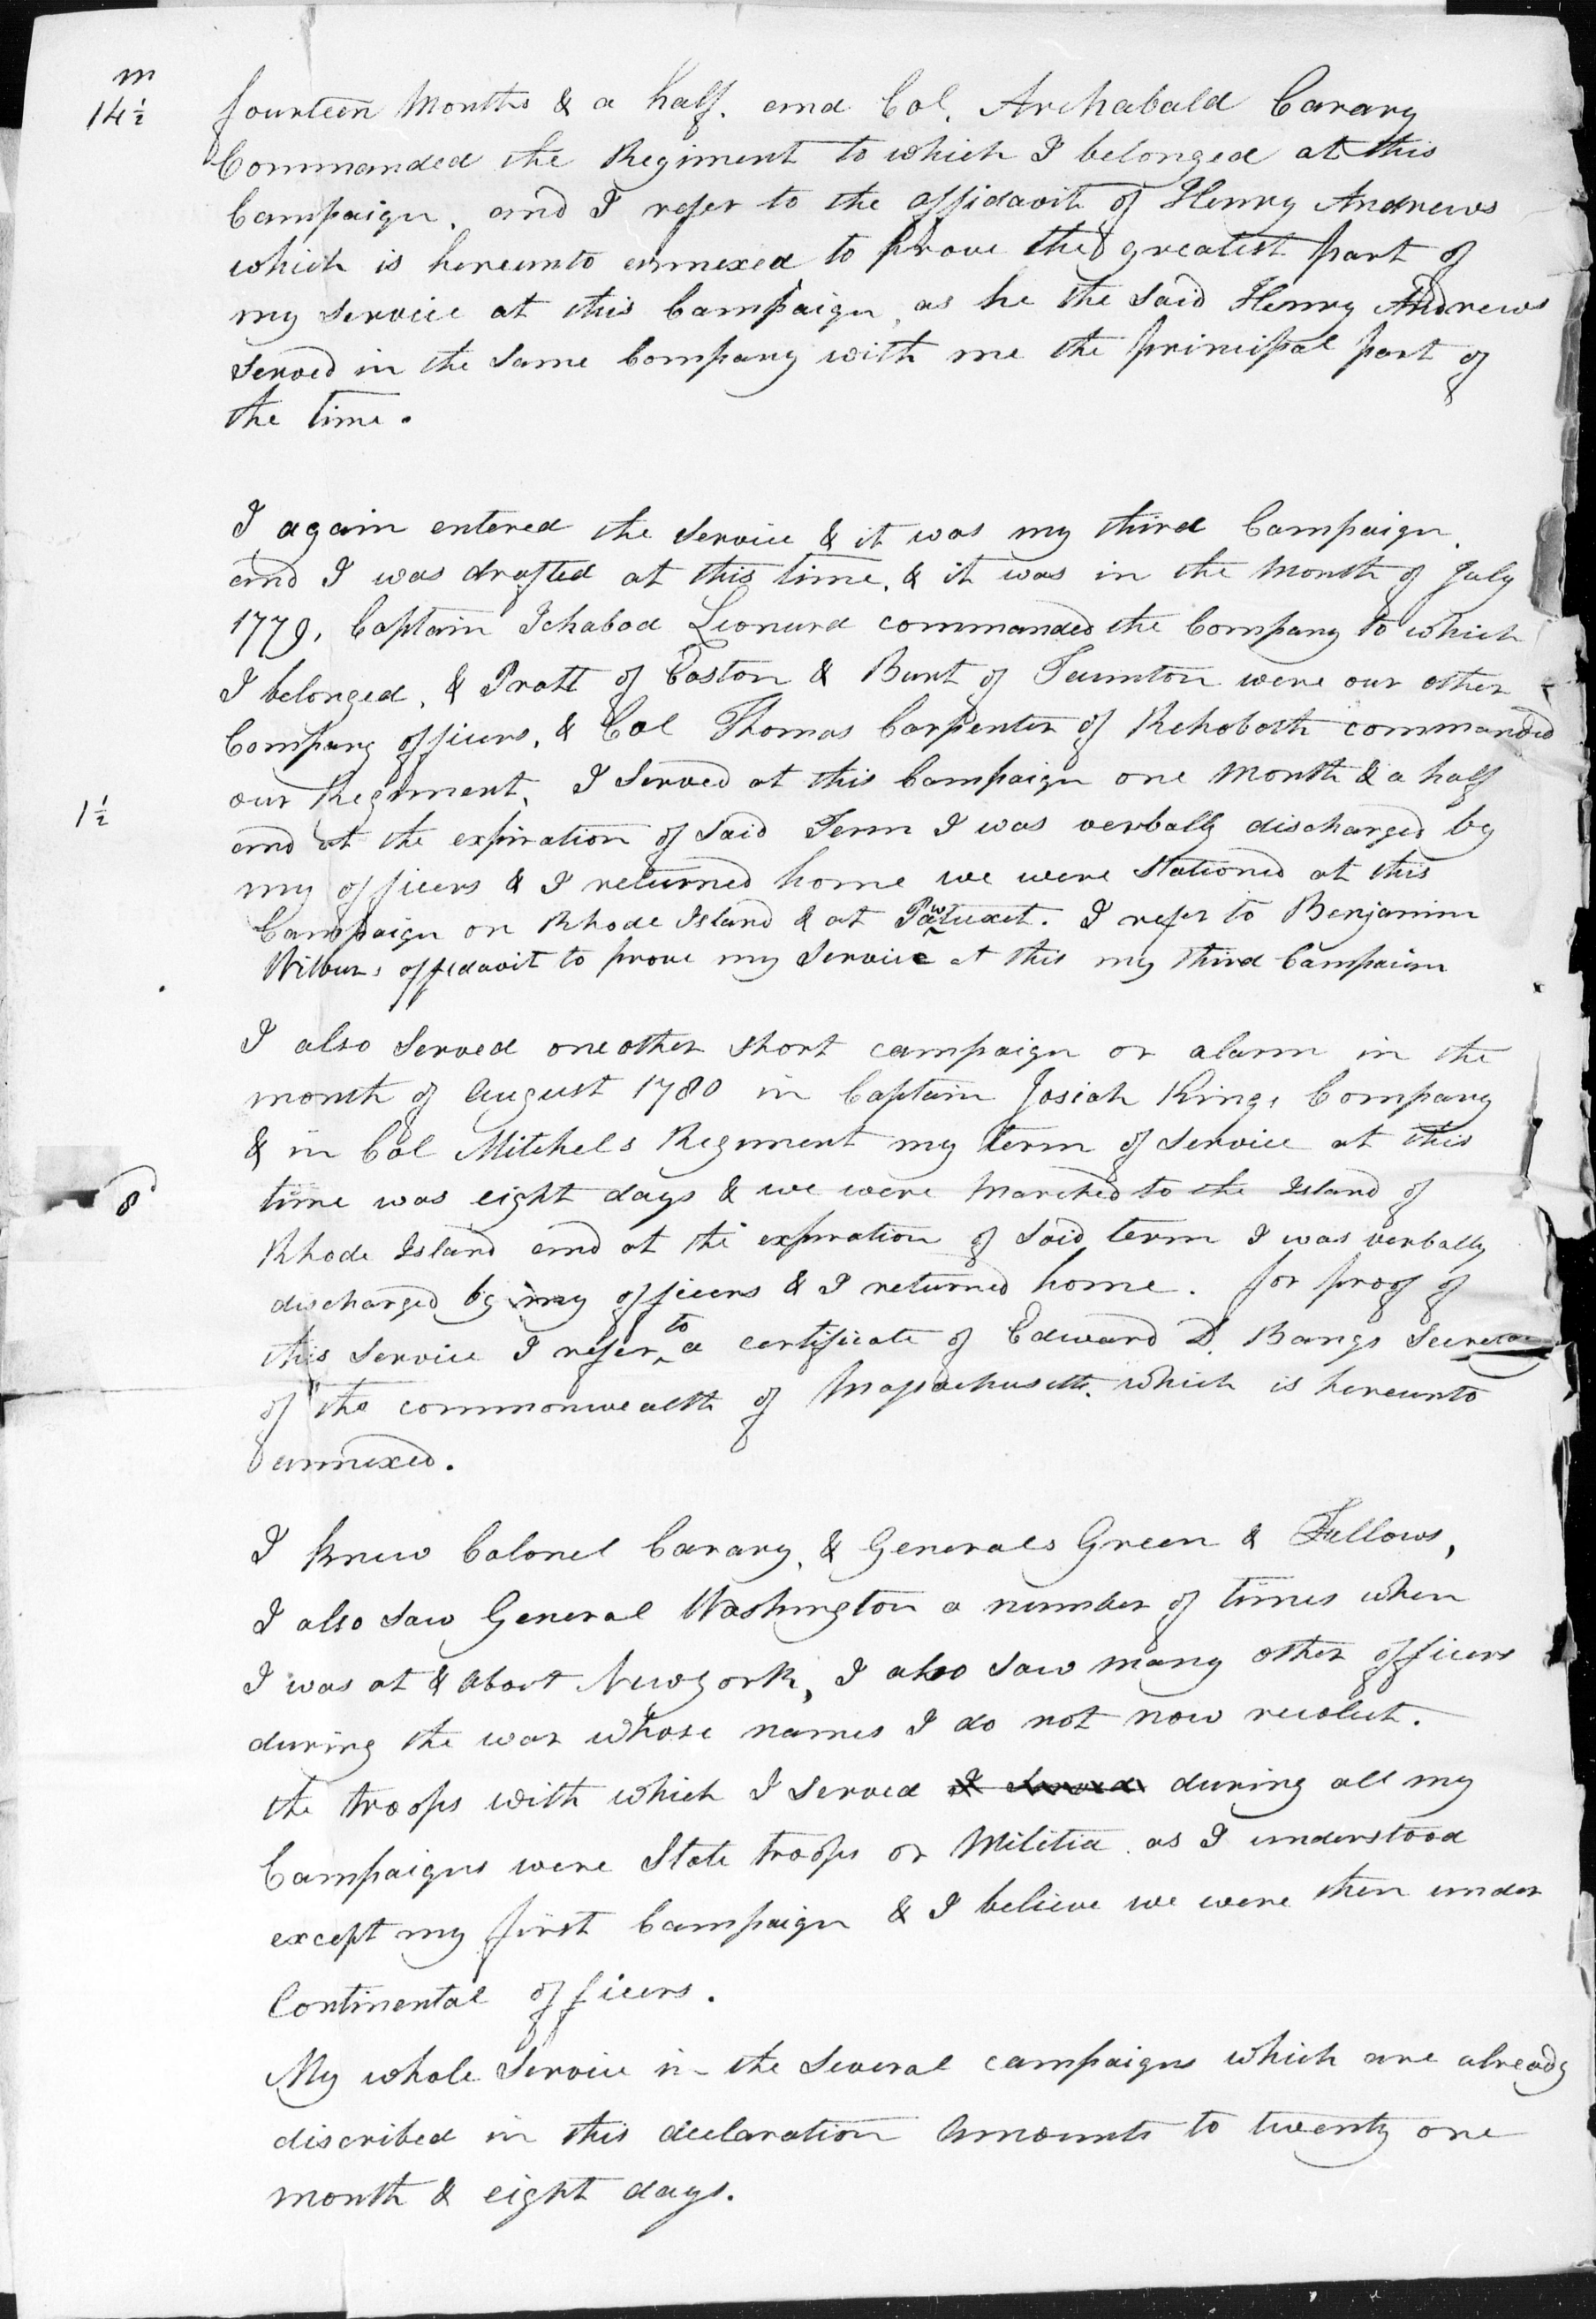[in margin: "m 14 1/2"] 
fourteen months & a half, and Col Archabald Canary commanded the regiment to which I belonged at this campaign, and I refer to the affidavit of Henry Andrews which is hereunto annexed to prove the greatest part of my service at this campaign as he the stated Henry Andrews served in the same company with me the principal part of the time.
I again entered the service & it was my third campaign and I was drafted at this time, & it was in the month of July 1779, Captain Ichabod Leonard commanded the company to which I belonged & Pratt of boston & Bunt of Taunton were our other company officers, & Col Thomas Carpenter of Rehoboth commanded our regiment. I served at this campaign one month & a half and at the expiration of said term I was verbally discharged by my officers & I returned home we were stationed at this campaign on Rhode Island & at Pawtuxet. I refer to Benjamin Wilburs affidavit to prove my service at this my third campaign.
I also served one other short campaign or alarm in the month of August 1780 in Captain Josiah Kings Company & in Col Mitchells regiment my term of service at this time was eight days & we were marched to the Island of Rhode Island and at the expiration of said term I was verbally discharged by my officers & I returned home. For proof of this service I refer to a certificate of Edward S Bangs Secretary of the Commonwealth of Massachusetts which is hereunto annexed.
I knew Colonel Canary & Generals Green & Fellows I also saw General Washington a number of time when I was at & about New York. I also saw many other officers during the war whose names I do not now recollect. the troops with which I served during all my campaigns were state troops or militia as I understood except my first campaign & I believe we were then under Continental officers.
My whole service in the several campaigns which are already described in this declaration amounts to twenty one month & eight days.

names: Washington, Archabald Carary, Henry Andrews, Henry Andrews, Thomas Carpenter, Edward D Bangs, Green, Fellows, Ichabod Leonard, Carary, Benjamin Wilbur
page: 7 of 18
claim: survivor's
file: S. 29,590, Nathan Andrews, Mass R.I.